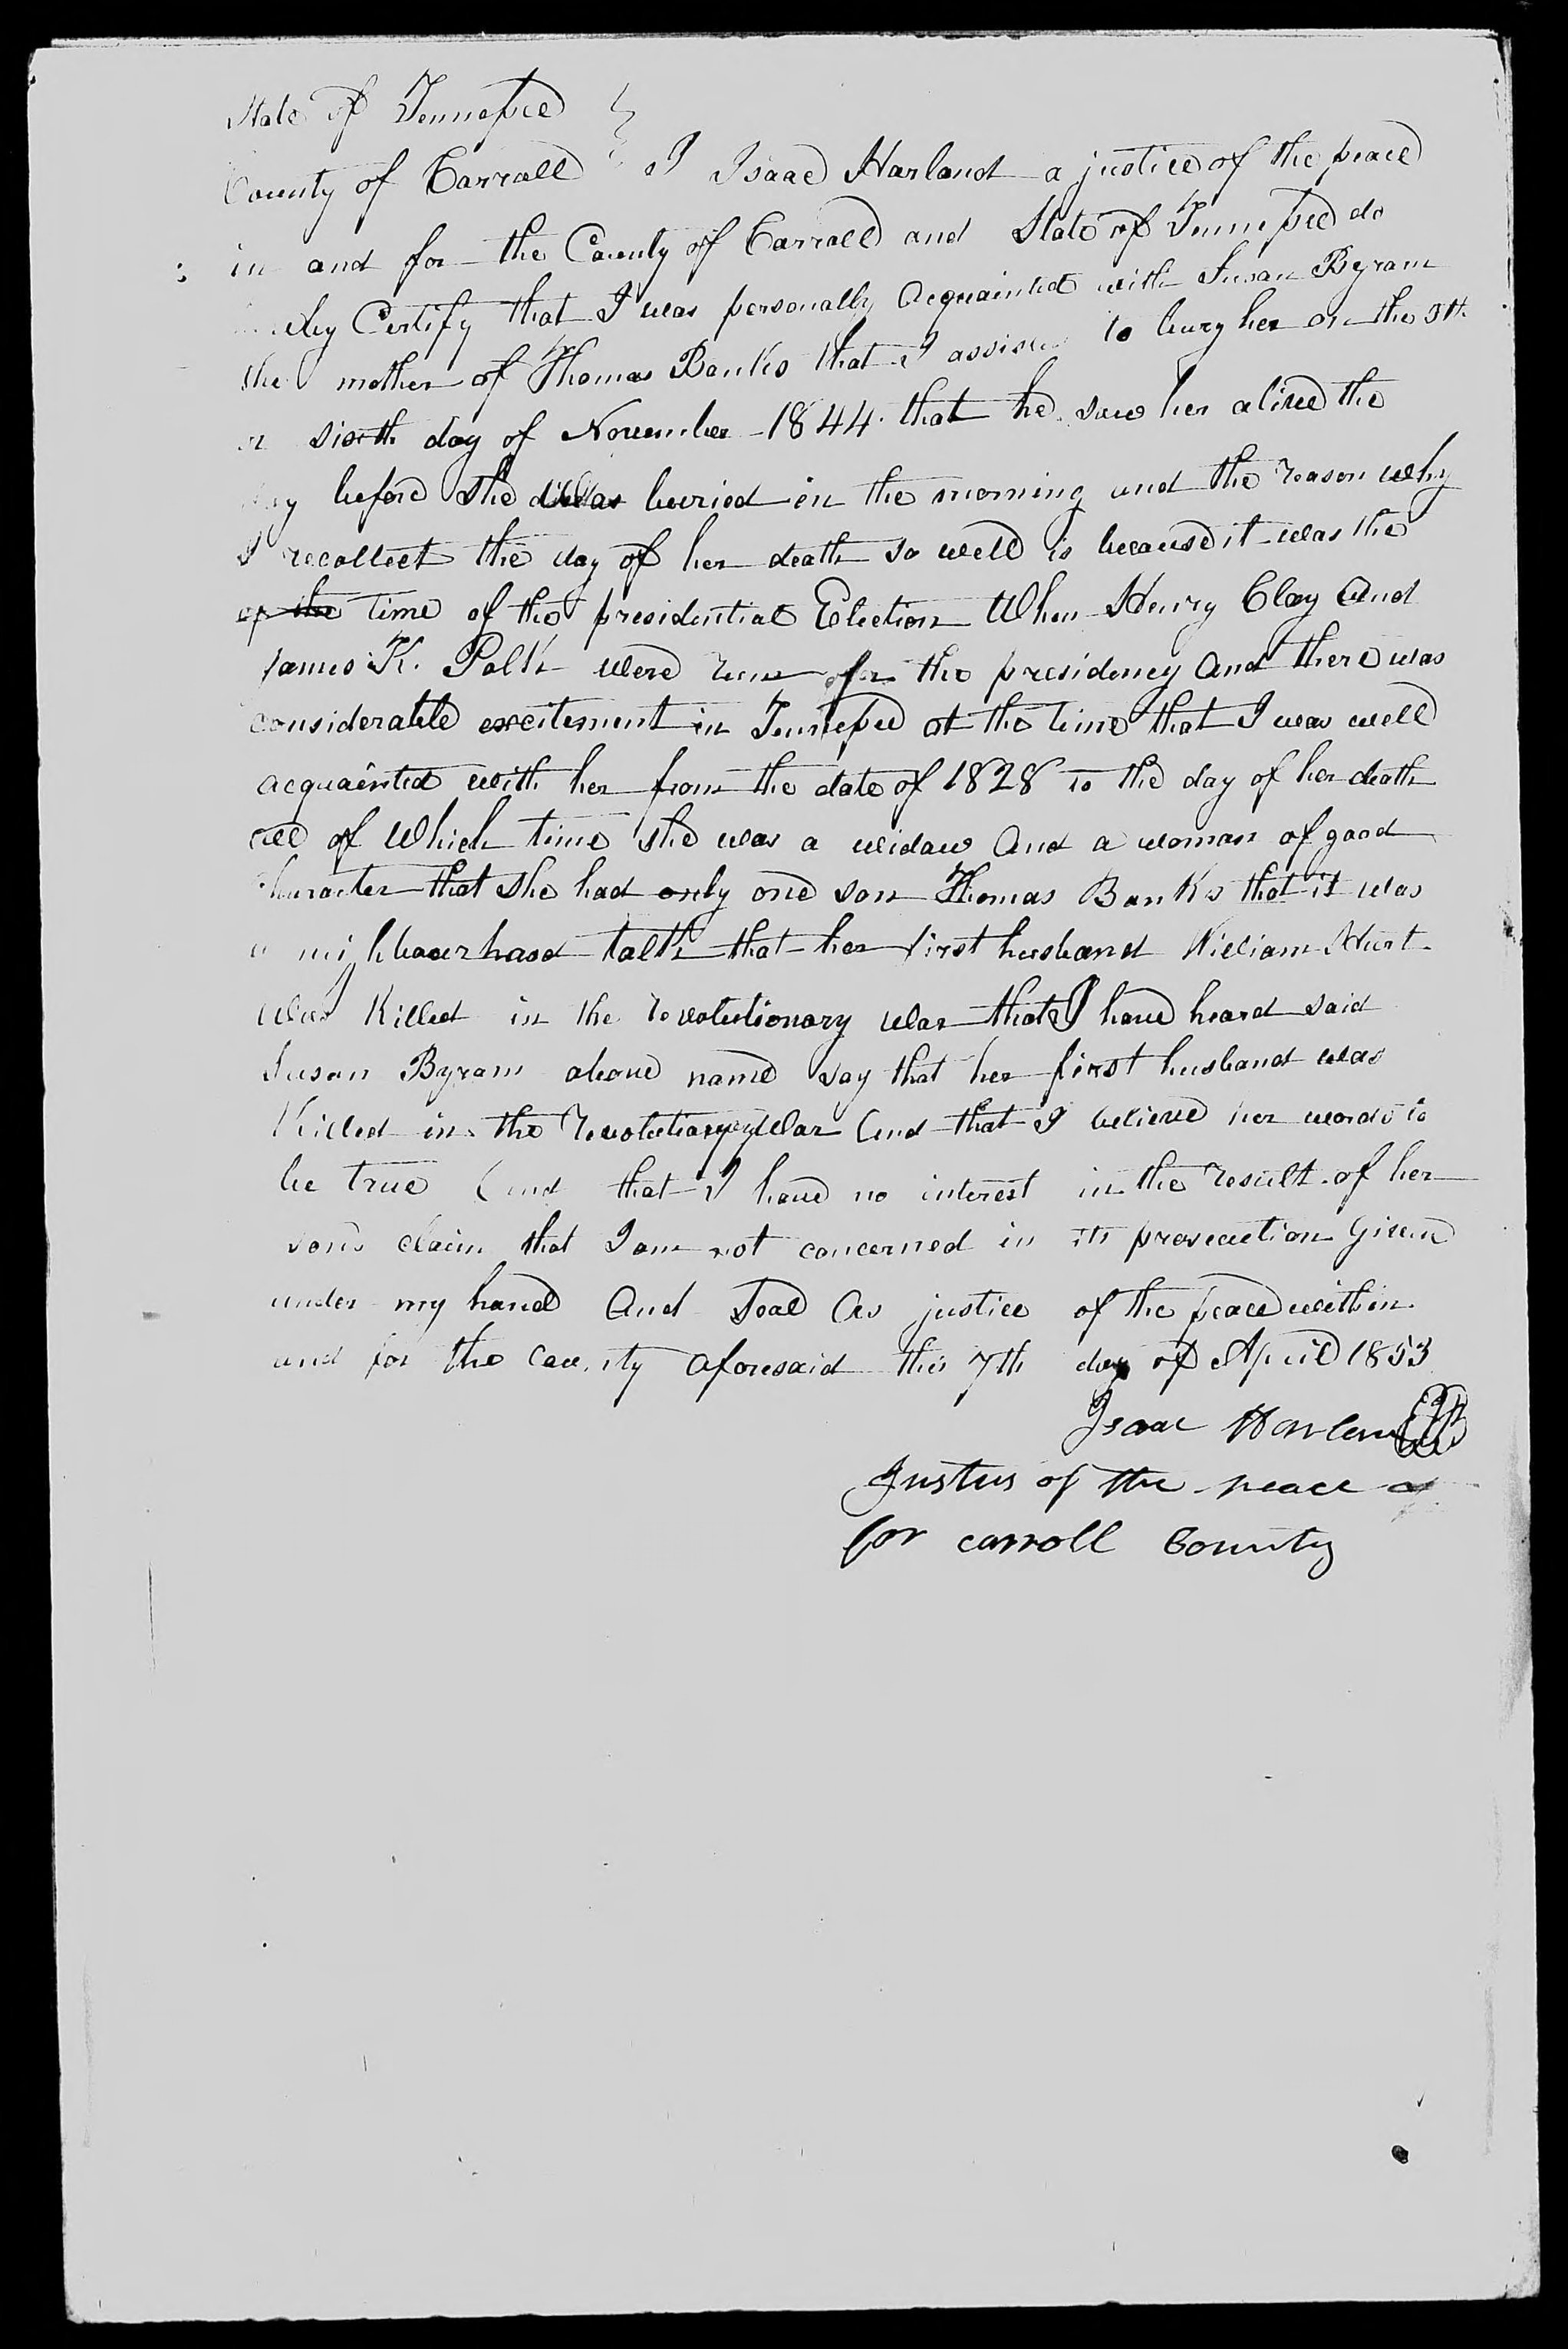[ State of Tennessee County of Carroll ]  I Isaac Harland  a Justice of the peace in and for the County of Carroll  and State of Tennessee  do hereby certify that I was personally acquainted with Susan Byram  the mother of Thomas Banks  that  I assisted to bury her on the 5th or sixth day of November 1844  that he saw her alive  the day before she died was buried in the morning  and the reason why I recollect the day of her death  so well is because it was of the time of the presidential election when Henry Clay and James K . Polk were vying for  the presidency and there was considerable  excitement  in Tennessee at the time that I was well acquainted with her from the date of 1828  to the day of her death all of which time she was a widow  and a woman of good character that she had only one son Thomas Banks that it was neighborhood talk  that her first husband  William Hurt was killed in the revolutionary war that I have heard  said  Susan Byram  above named  say that her first husband  was  killed in the revolutionary war  and that I believe her  words to be true ( and that I have no interest in the result of her son's claim , that I am not  concerned in its prosecution ) . Given under my hand and seal as Justice of the peace within and for the County aforesaid  this 7th day of April 1853. Isaac Harland ( signed / sealed )  Justice of the peace for Carroll County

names: William Hurt; Thomas Banks; Henry Clay; James K Polk; Susan Byram; Isaac Harlan; Isaac Harland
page: 4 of 75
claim: rejected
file: R. 1572, for William Hurt, [Blank]